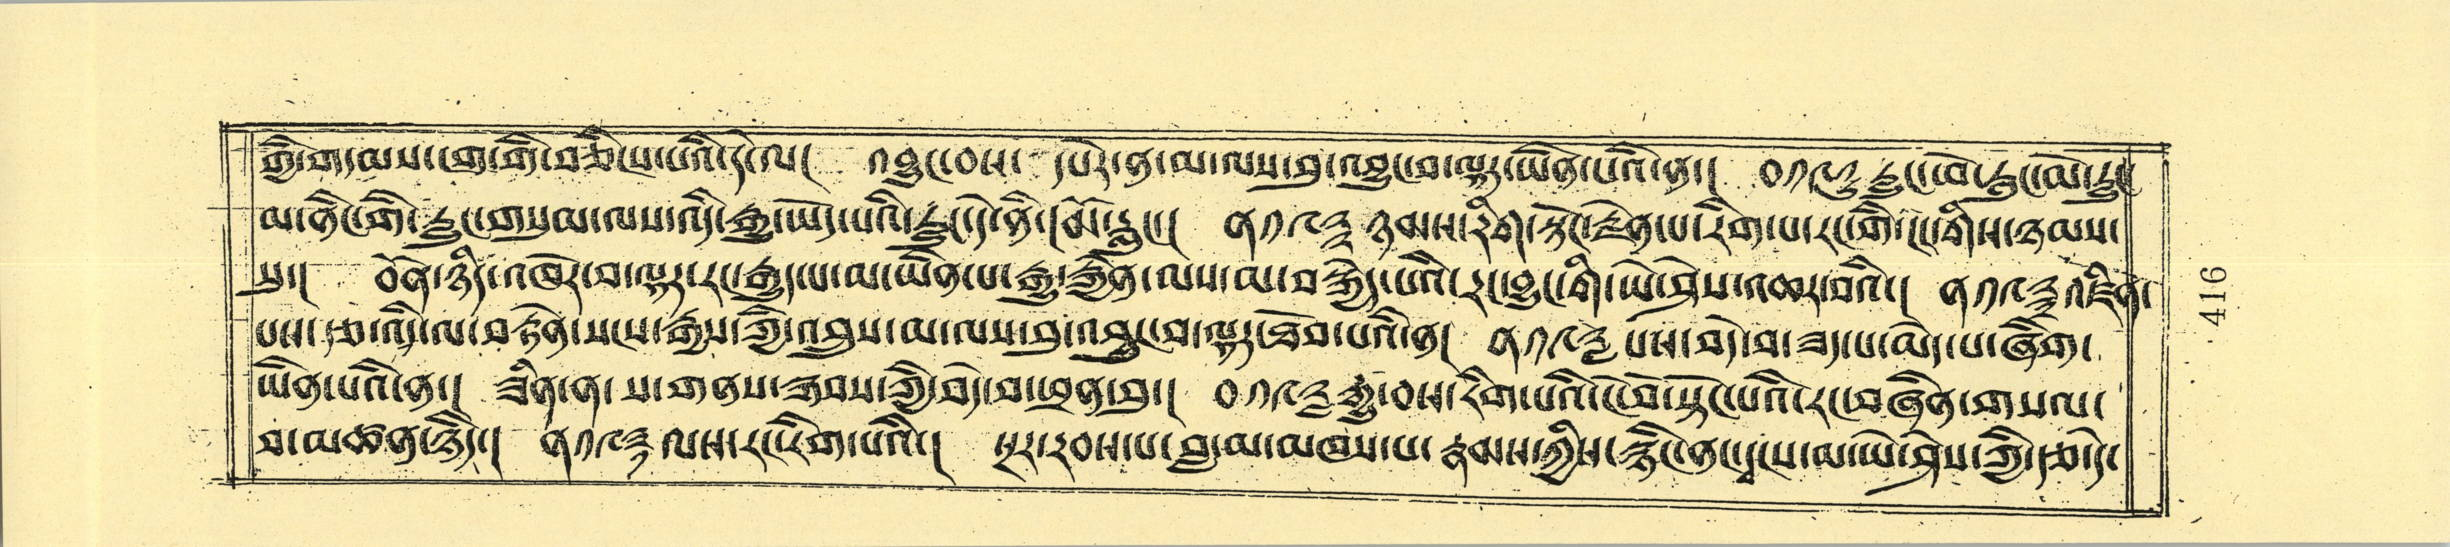གྱི་གདམས་ངག་གིས་བཅིངས་པའི་༼དེ་ལ༽༼འབྱུང་བས༽དཔེར་ན་མ་ལས་བུ་འབྱུང་བ་ལྟར་ཡིན་པས་ན་བ༡༩༡།༦རླུང་ཕོ་རླུང་མོ་རླུང་
མ་ནིང་གི་རླུང་གསུམ་ལས་འདི་རྒྱུ་ཡོད་པའི་རླུང་དེ་ནི་༼མོ་རླུང༽ན༡༩༢།༢༼ཉམས་རིག༽སྟོང་རྗེན་པ་རིག་པ་རང་གི་༼ངང་གིས༽ཉམས་
སུ་ བོན་ཉིད་འཁོར་བ་ལྟར་རང་རྒྱུད་པ་མ་ཡིན་པ་རྒྱུ་རྐྱེན་ལས་མ་བསྐྱེད་པའི་༼རང་འབྱུང༽གི་ཡེ་ཤེས་འཆར་བའི་ན༡༩༢།༣༼འཛིན་
པས༽རྩ་འདི་ལ་བརྟེན་སངས་རྒྱས་ཀྱི་འབྲས་བུ་མ་ལས་བུ་འབྱུང་བ་ལྟར་ཐོབ་པས་ན། ན༡༩༢།༤ པས་བདེ་བ་ཟད་པ་མེད་པ་ཞིག་
ཡིན་པས་ན་ཟིན་ན་ས་གནས་སྐབས་ཀྱི་བདེ་བ་ཕྲན་བུ་བ༡༩༢།༤༼རྒྱུ་བས༽རིག་པའི་ངོ་བོ་སྟོང་པའི་རང་བཞིན་གསལ་
བ་མཚན་ཉིད་ན་༡༩༣།༡༼ལས༽རང་རིག་པའི་༼སྔ་རབས་པ༽བླ་མ་མཁས་པ་༼རྣམས་ཀྱིས༽སྙིང་ནང་དྭངས་མ་ཡེ་ཤེས་ཀྱི་རྩ་དེ་